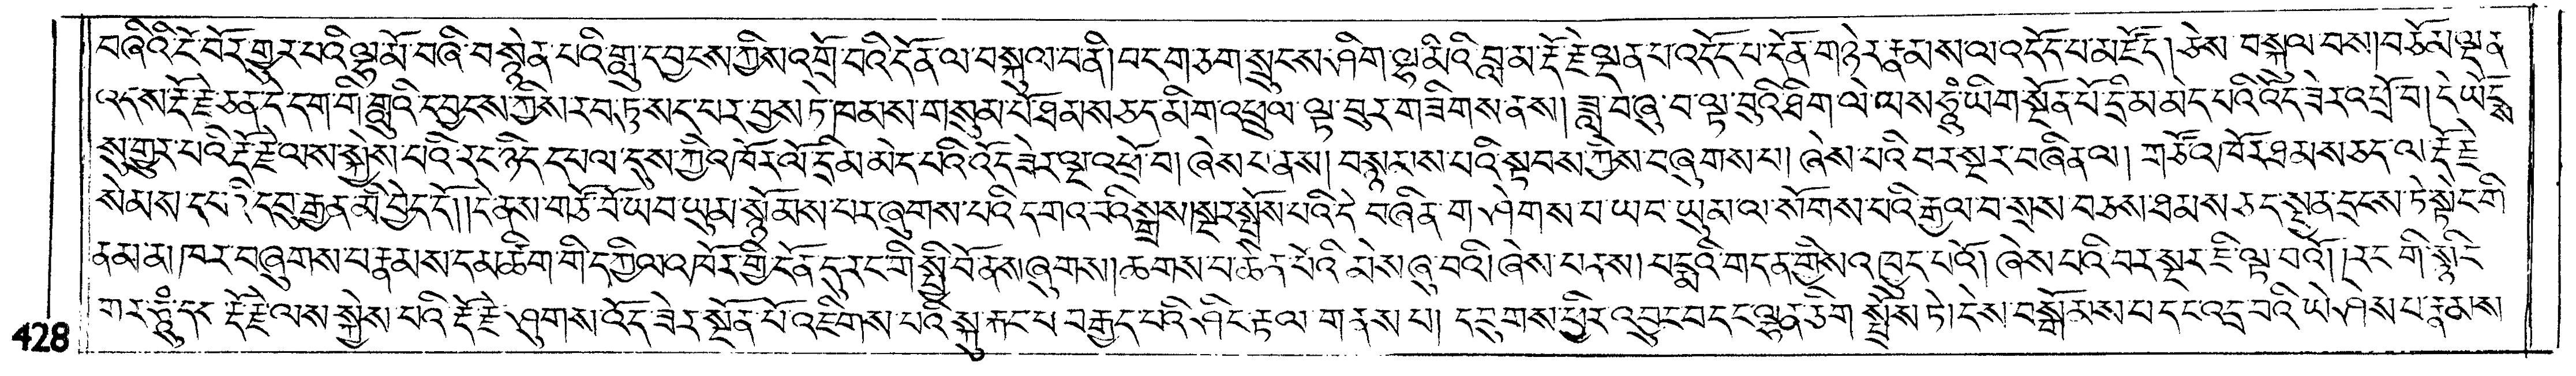བཞིའི་ངོ་བོར་གྱུར་པའི་ལྷ་མོ་བཞི་བསྙེན་པའི་གླུ་དབྱངས་ཀྱིས་འགྲོ་བའི་དོན་ལ་བསྐུལ་བ་ནི། བདག་ཅག་སྲུངས་ཤིག་ལྷ་མིའི་བླ་མ་རྡོ་རྗེ་ལྡན་པ་འདོད་པ་དོན་གཉེར་རྣམས་ལ་འདོད་པ་མཛོད། ཅེས་བསྐུལ་བས། བཅོམ་ལྡན་
འདས་རྡོ་རྗེ་ཅན་དེ་དག་གི་གླུའི་དབྱངས་ཀྱིས་རབ་ཏུ་སད་པར་བྱས་ཏེ་ཁམས་གསུམ་པོ་ཐམས་ཅད་མིག་འཕྲུལ་ལྟ་བུར་གཟིགས་ནས། ཟླ་བ་ཞུ་བ་ལྟ་བུའི་ཐིག་ལེ་ལས་ཧཱུཾ་ཡིག་སྔོན་པོ་དྲི་མ་མེད་པའི་འོད་ཟེར་འཕྲོ་བ། དེ་ཡོངས་
སུ་གྱུར་པའི་རྡོ་རྗེ་ལས་སྐྱེས་པའི་རང་ཉིད་དཔལ་དུས་ཀྱི་འཁོར་ལོ་དྲི་མ་མེད་པའི་འོད་ཟེར་ལྔ་འཕྲོ་བ། ཞེས་པ་ནས། བསྙམས་པའི་སྟབས་ཀྱིས་བཞུགས་པ། ཞེས་པའི་བར་སྔར་བཞིན་ལ། གཙོ་འཁོར་ཐམས་ཅད་ལ་རྡོ་རྗེ་
སེམས་དཔའི་དབུ་རྒྱན་མི་བྱེད་དོ། །དེ་ནས་གཙོ་བོ་ཡབ་ཡུམ་སྙོམས་པར་ཞུགས་པའི་དགའ་བའི་སྒྲས། སྔར་སྤྲོས་པའི་དེ་བཞིན་གཤེགས་པ་ཡབ་ཡུམ་ལ་སོགས་པའི་རྒྱལ་བ་སྲས་བཅས་ཐམས་ཅད་སྤྱན་དྲངས་ཏེ་སྟེང་གི་
ནམ་མཁར་བཞུགས་པ་རྣམས་དམ་ཚིག་གི་དཀྱིལ་འཁོར་གྱི་དོན་དུ་རང་གི་སྤྱི་བོ་ནས་ཞུགས། ཆགས་པ་ཆེན་པོའི་མེས་ཞུ་བའི། ཞེས་པ་ནས། པདམའི་གདན་གྱིས་འཁྱུད་པའོ། ཞེས་པའི་བར་སྔར་ཇི་ལྟ་བའོ། །རང་གི་སྙིང་
གར་ཧཱུཾ་དང་རྡོ་རྗེ་ལས་སྐྱེས་པའི་རྡོ་རྗེ་ཤུགས་འོད་ཟེར་སྔོན་པོ་འཇིགས་པའི་སྐུ་རྐང་པ་བརྒྱད་པའི་ཤིང་རྟ་ལ་གནས་པ། དབུགས་ཕྱིར་འབྱུང་བ་དང་ལྷན་ཅིག་སྤྲོས་ཏེ། དེས་བསྒོམས་པ་དང་འདྲ་བའི་ཡེ་ཤེས་པ་རྣམས་